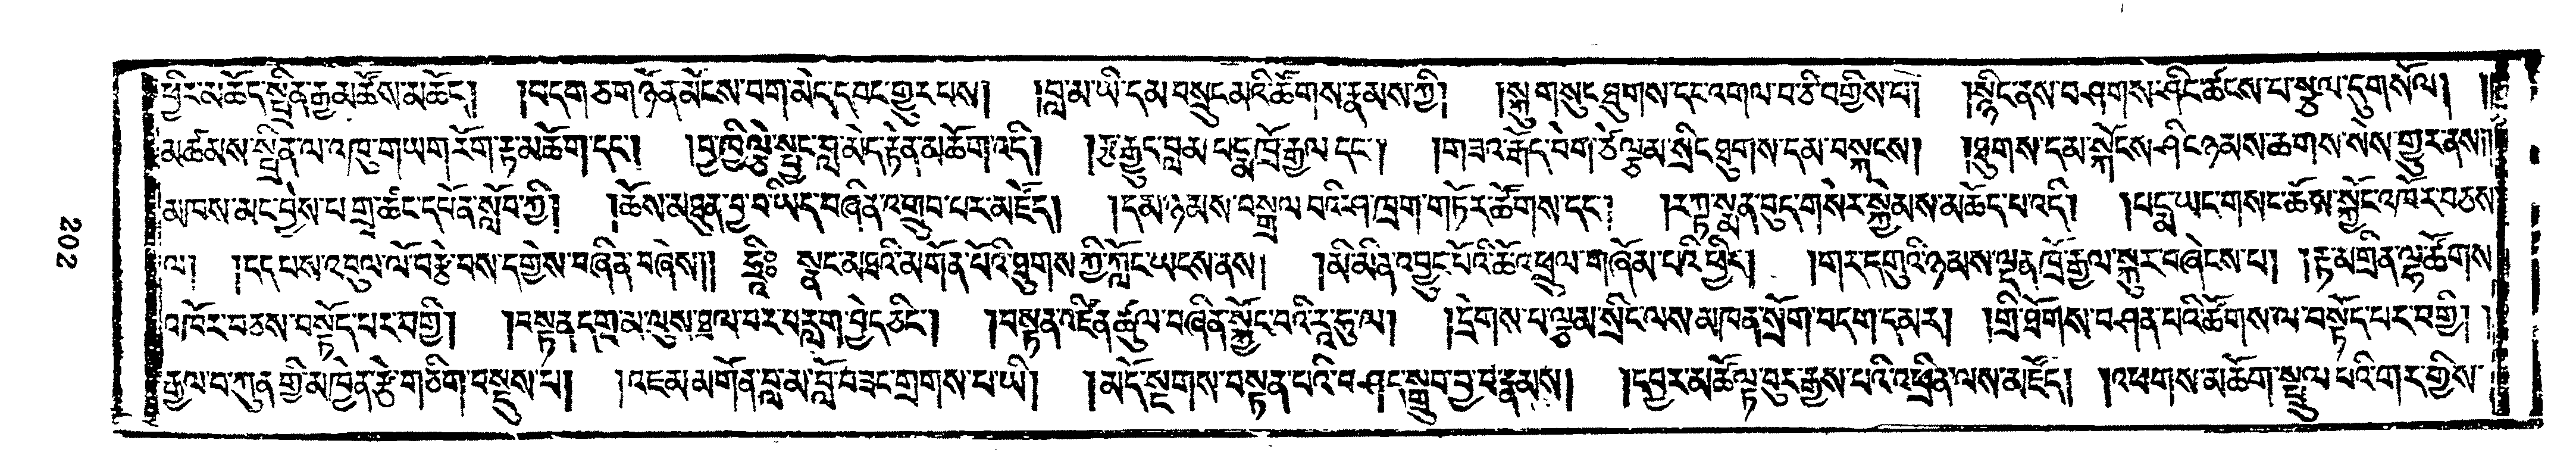ཕྱིར་མཆོད་སྤྲིན་རྒྱ་མཚོས་མཆོད། །བདག་ཅག་ཉོན་མོངས་བག་མེད་དབང་གྱུར་པས། །བླ་མ་ཡི་དམ་བསྲུང་མའི་ཚོགས་རྣམས་ཀྱི། །སྐུ་གསུང་ཐུགས་དང་འགལ་བ་ཅི་བགྱིས་པ། །སྙིང་ནས་བཤགས་ཤིང་ཚངས་པ་སྩལ་དུ་གསོལ། །
མཚམས་སྤྲིན་ལ་འཁུ་གཡག་རོག་རྟ་མཆོག་དང་། །བྱ་ཁྱི་ལྕེ་སྤྱང་བླ་མེད་རྟེན་མཆོག་འདི། །རྩ་རྒྱུད་བླ་མ་པདམ་ཁྲོ་རྒྱལ་དང་། །གཟའ་རྒོད་བེག་ཙེ་ལྕམ་སྲིད་ཐུགས་དམ་བསྐངས། །ཐུགས་དམ་སྐོངས་ཤིང་ཉམས་ཆགས་སེས་གྱུར་ནས།།
མཁས་མང་བྱེས་པ་གྲྭ་ཚང་དཔོན་སློབ་ཀྱི། །ཆོས་མཐུན་བྱ་བ་ཡིད་བཞིན་འགྲུབ་པར་མཛོད། །དམ་ཉམས་བསྒྲལ་བའི་ཤ་ཁྲག་གཏོར་ཚོགས་དང་། །རཀྟ་སྨན་བུད་གསེར་སྐྱེམས་མཆོད་པ་འདི། །པདམ་ཡང་གསང་ཆོས་སྐྱོང་འཁོར་བཅས་
ལ། །དད་པས་འབུལ་ལོ་བརྩེ་བས་དགྱེས་བཞིན་བཞེས།། ཧྲཱིཿ སྣང་མཐའི་མགོན་པོའི་ཐུགས་ཀྱི་ཀློང་ཡངས་ནས། །མི་མིན་འབྱུང་པོའི་ཆོ་འཕྲུལ་གཞོམ་པའི་ཕྱིར། །གར་དགུའི་ཉམས་ལྡན་ཁྲོ་རྒྱལ་སྐུར་བཞེངས་པ། །རྟ་མགྲིན་ལྷ་ཚོགས་
འཁོར་བཅས་བསྟོད་པར་བགྱི། །བསྟན་དགྲ་མ་ལུས་ཐལ་བར་བརླག་བྱེད་ཅིང་། །བསྟན་འཛིན་ཚུལ་བཞིན་སྐྱོང་བའི་རཱ་ཧུ་ལ། །དྲེགས་པ་ལྕམ་སྲིང་ལས་མཁན་སྲོག་བདག་དམར། །གྲི་ཐོགས་བཤན་པའི་ཚོགས་ལ་བསྟོད་པར་བགྱི། །
རྒྱལ་བ་ཀུན་གྱི་མཁྱེན་རྩེ་གཅིག་བསྡུས་པ། །འཇམ་མགོན་བླ་མ་བློ་བཟང་གྲགས་པ་ཡི། །མདོ་སྔགས་བསྟན་པའི་བཤད་སྒྲུབ་བྱ་བ་རྣམས། །དབྱར་མཚོ་ལྟ་བུར་རྒྱས་པའི་འཕྲིན་ལས་མཛོད། །འཕགས་མཆོག་སྤྲུལ་པའི་གར་གྱིས་